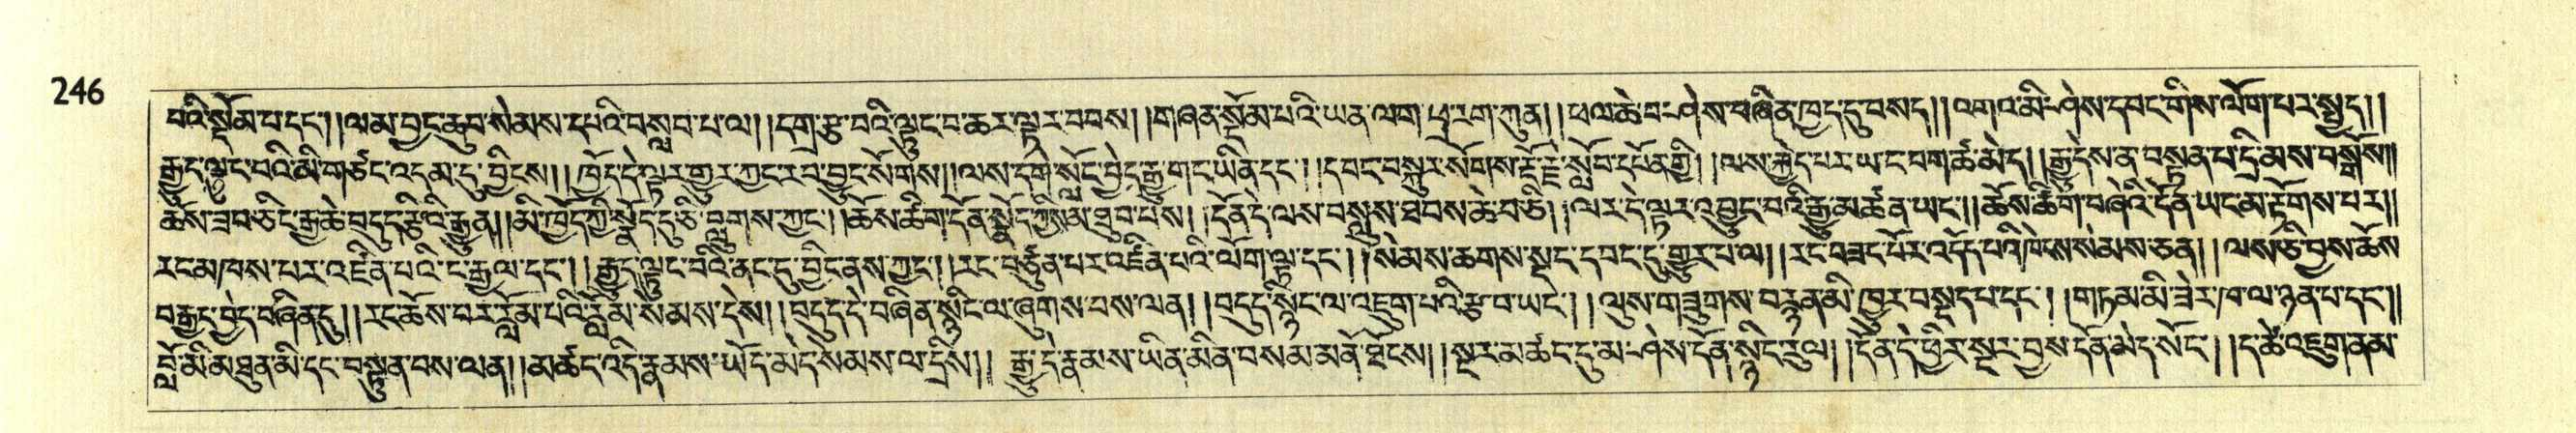བའི་སྡོམ་པ་དང་། །ལམ་བྱང་ཆུབ་སེམས་དཔའི་བསླབ་པ་ལ། །དགྲ་རྩ་བའི་ལྟུང་བ་ཆར་ལྟར་བབས། །གཞན་སྡོམ་པའི་ཡན་ལག་ཕྲ་རག་ཀུན། །ཕལ་ཆེ་བ་ཤེས་བཞིན་ཁྱད་དུ་བསད། །འགའ་མི་ཤེས་དབང་གིས་ལོག་པར་སྦྱད།།
རྒྱུད་ལྟུང་བའི་མི་གཙང་འདམ་དུ་བྱིངས། །ཁྱོད་དེ་ལྟར་གྱུར་ཀྱང་རབ་བྱུང་སོགས། །ལས་དགེ་སློང་བྱེད་རྒྱུ་གང་ཡིན་དང་། །དབང་བསྐུར་སོགས་རྡོ་རྗེ་སློབ་དཔོན་གྱི། །ལས་རྐྱེད་པར་ཡང་བག་ཚ་མེད། །རྒྱུ་དེས་ན་བསྟན་པ་དྲི་མས་བསྒོས།།
ཆོས་ཟབ་ཅིང་རྒྱ་ཆེ་བདུད་རྩིའི་རྒྱུན། །མི་ཁྱོད་ཀྱི་སྣོད་དུ་ཅི་བླུགས་ཀྱང་། །ཆོས་ཚིག་དོན་སྣོད་ཀྱིས་མ་ཐུབ་པས། །དོན་དེ་ལས་བསླུས་ཐབས་ཆེ་བ་ཅི། །ལར་དེ་ལྟར་འབྱུང་བའི་རྒྱུ་མཚན་ཡང་། །ཆོས་ཚིག་བཞེའི་དོན་ཡང་མ་རྟོགས་པར།།
རང་མཁས་པར་འཛིན་པའི་ང་རྒྱལ་དང་། །རྒྱུད་ལྟུང་བའི་ནང་དུ་བྱིང་ནས་ཀྱང་། །རང་བཙུན་པར་འཛིན་པའི་ལོག་ལྟ་དང་། །སེམས་ཆགས་སྡང་དབང་དུ་གྱུར་པ་ལ། །རང་བཟང་པོར་འདོད་པའི་ཁེངས་སེམས་ཅན། །ལས་ཅི་བྱས་ཆོས་
བརྒྱད་བྱེད་བཞིན་དུ། །རང་ཆོས་པར་རློམ་པའི་རློམ་སེམས་དེས། །བདུད་དེ་བཞིན་སྙིང་ལ་ཞུགས་བས་ལན། །བདུད་སྙིང་ལ་འཇུག་པའི་རྩ་བ་ཡང་། །ལུས་གཟུགས་བརྙན་མི་ཁྱུར་བསྡད་པ་དང་། །གཏམ་མི་ཟེར་ཁ་ལ་ཉན་པ་དང།།
བློ་མི་མཐུན་མི་དང་བསྟུན་བས་ལན། །མཚད་འདི་རྣམས་ཡོད་མེད་སེམས་ལ་དྲིས། །རྒྱུ་དེ་རྣམས་ཡིན་མིན་བསམ་མནོ་ཐོངས། །སྔར་མཚང་དུ་མ་ཤེས་དོན་སྙིང་རུལ། །དོན་དེ་ཕྱིར་སྔར་བྱས་དོན་མེད་སོང་། །ད་ཚེ་འཇུག་ནམ་